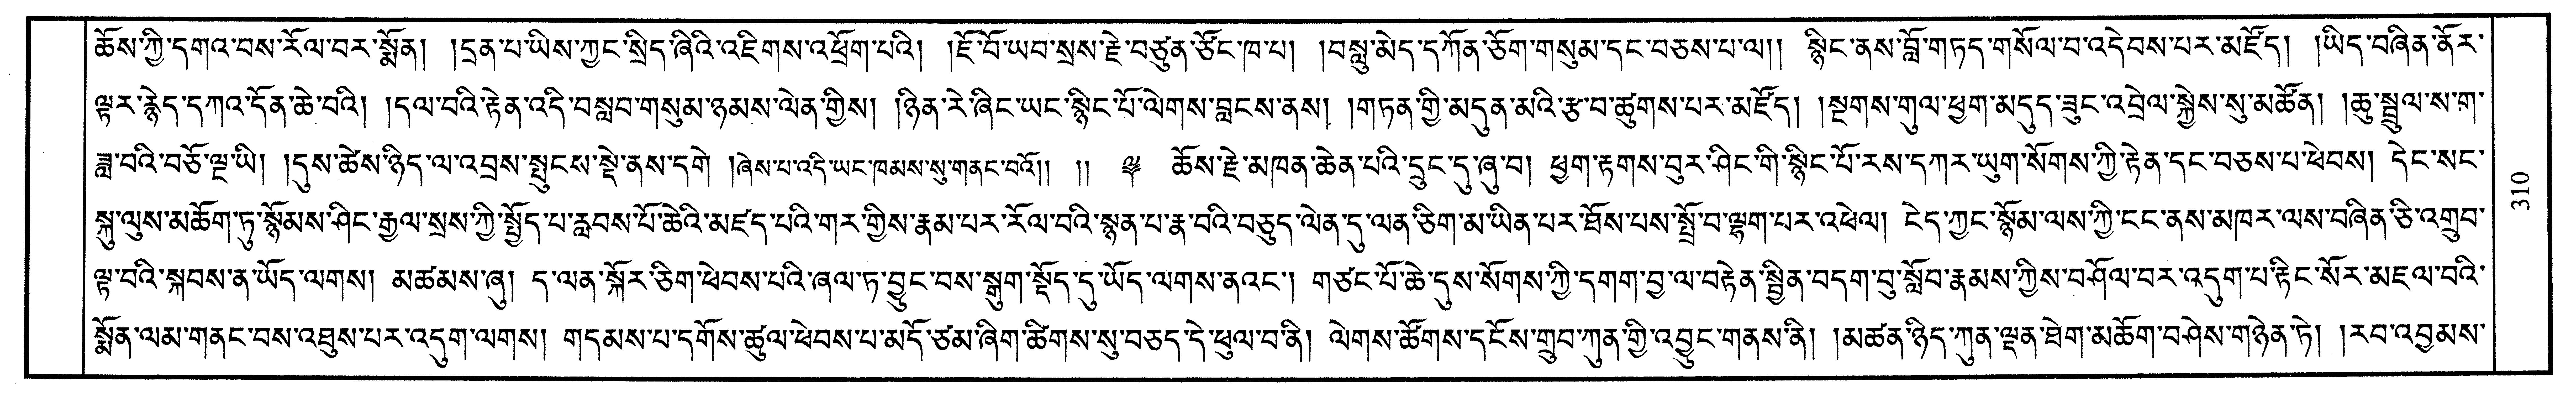ཆོས་ཀྱི་དགའ་བས་རོལ་བར་སྨོན། །དྲན་པ་ཡིས་ཀྱང་སྲིད་ཞིའི་འཇིགས་འཕྲོག་པའི། །ཇོ་བོ་ཡབ་སྲས་རྗེ་བཙུན་ཙོང་ཁ་པ། །བསླུ་མེད་དཀོན་ཅོག་གསུམ་དང་བཅས་པ་ལ།། སྙིང་ནས་བློ་གཏད་གསོལ་བ་འདེབས་པར་མཛོད། །ཡིད་བཞིན་ནོར་
ལྟར་རྙེད་དཀའ་དོན་ཆེ་བའི། །དལ་བའི་རྟེན་འདི་བསླབ་གསུམ་ཉམས་ལེན་གྱིས། །ཉིན་རེ་ཞིང་ཡང་སྙིང་པོ་ལེགས་བླངས་ནས། །གཏན་གྱི་མདུན་མའི་རྩ་བ་ཚུགས་པར་མཛོད། །སྔགས་གུལ་ཕྱག་མདུད་ཟུང་འབྲེལ་སྐྱེས་སུ་མཚོན། །ཆུ་སྦྲུལ་ས་ག་
ཟླ་བའི་བཅོ་ལྔ་ཡི། །དུས་ཚེས་ཉིད་ལ་འབྲས་སྤུངས་སྡེ་ནས་དགེ །ཞེས་པ་འདི་ཡང་ཁམས་སུ་གནང་བའོ།། །། ༈ ཆོས་རྗེ་མཁན་ཆེན་པའི་དྲུང་དུ་ཞུ་བ། ཕྱག་རྟགས་བུར་ཤིང་གི་སྙིང་པོ་རས་དཀར་ཡུག་སོགས་ཀྱི་རྟེན་དང་བཅས་པ་ཕེབས། །དེང་སང་
སྐུ་ལུས་མཆོག་ཏུ་སྙོམས་ཤིང་རྒྱལ་སྲས་ཀྱི་སྤྱོད་པ་རླབས་པོ་ཆེའི་མཛད་པའི་གར་གྱིས་རྣམ་པར་རོལ་བའི་སྙན་པ་རྣ་བའི་བཅུད་ལེན་དུ་ལན་ཅིག་མ་ཡིན་པར་ཐོས་པས་སྤྲོ་བ་ལྷག་པར་འཕེལ། ངེད་ཀྱང་སྙོམ་ལས་ཀྱི་ངང་ནས་མཁར་ལས་བཞིན་ཅི་འགྲུབ་
ལྟ་བའི་སྐབས་ན་ཡོད་ལགས། མཚམས་ཞུ། ད་ལན་སྐོར་ཅིག་ཕེབས་པའི་ཞལ་ཏ་བྱུང་བས་སྒུག་སྡོད་དུ་ཡོད་ལགས་ནའང་། གཙང་པོ་ཆེ་དུས་སོགས་ཀྱི་དགག་བྱ་ལ་བརྟེན་སྦྱིན་བདག་བུ་སློབ་རྣམས་ཀྱིས་བཤོལ་བར་འདུག་པ་རྟིང་སོར་མཇལ་བའི་
སྨོན་ལམ་གནང་བས་འཐུས་པར་འདུག་ལགས། གདམས་པ་དགོས་ཚུལ་ཕེབས་པ་མདོ་ཙམ་ཞིག་ཚིགས་སུ་བཅད་དེ་ཕུལ་བ་ནི། ལེགས་ཚོགས་དངོས་གྲུབ་ཀུན་གྱི་འབྱུང་གནས་ནི། །མཚན་ཉིད་ཀུན་ལྡན་ཐེག་མཆོག་བཤེས་གཉེན་ཏེ། །རབ་འབྱམས་